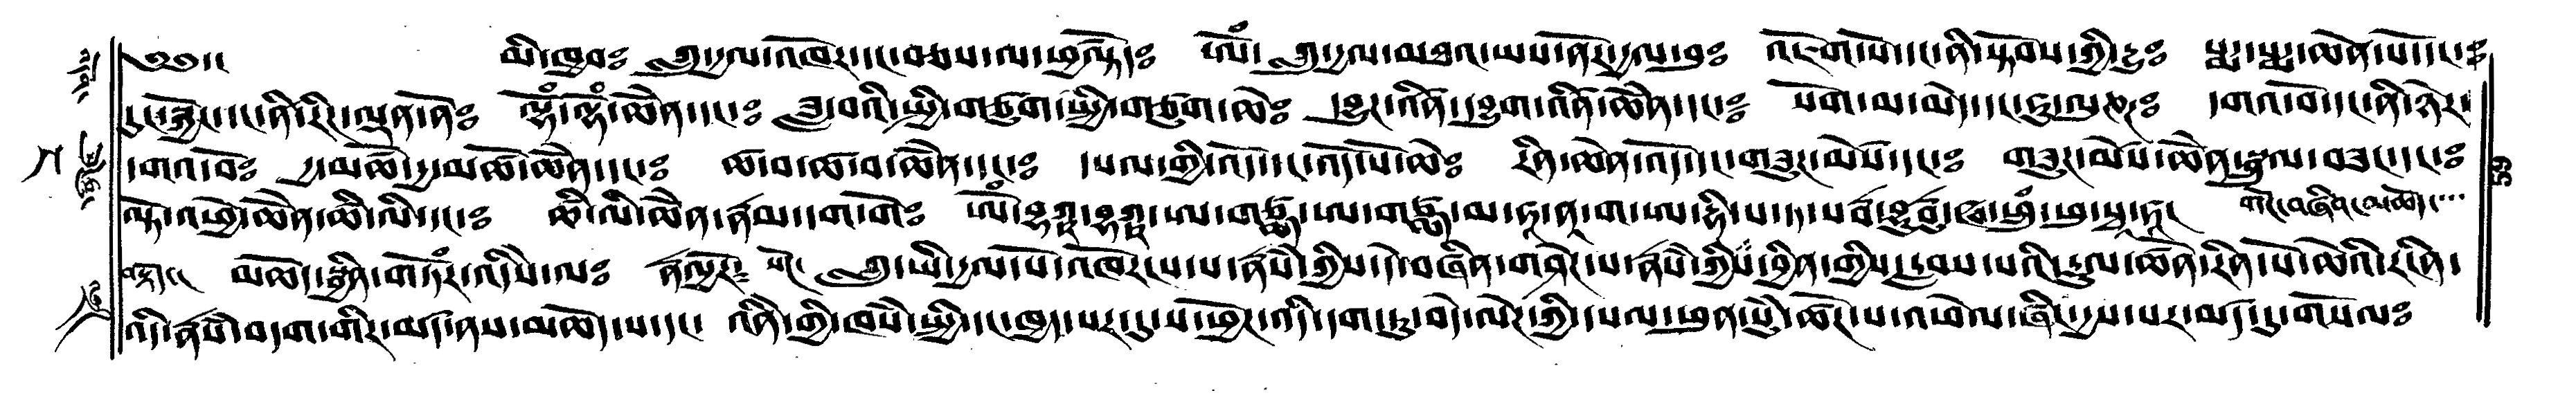མི་ཁྱབ། །ཀླུ་རྒྱལ་འཁོར་དང་བཅས་ལ་ཕྱག་འཚལ་བསྟོདཿ ཨོཾ། ཀླུ་རྒྱལ་མཐའ་ཡས་ནོར་རྒྱལ་བུ། །འཇོག་པོ་དང་ནི་སྟོབས་ཀྱི་རྒྱུ། པདྨ་པདྨ་ཆེན་པོ་དང་། །
དུང་སྐྱོང་དང་ནི་རིགས་ལྡན་ནོ། །ལྷ་མོ་ལྷ་མོ་ཆེན་པོ་དངཿ ཟླ་བའི་སྤྱི་གཙུག་སྤྱི་གཙུག་ཆེཿ དབྱུག་འཛིན་དབྱུག་འཛིན་ཆེན་པོ་དང་། །སོག་མ་མེད་དང་ཧུ་ལུཎ་ཌ། །དགའ་བོ་དང་ནི་ཉེར་
དགའ་བོ། །རྒྱ་མཚོ་རྒྱ་མཚོ་ཆེན་པོ་དང་། །ཚ་བ་ཚ་བ་ཆེན་པོ་དང་། །དཔལ་གྱི་འོད་དང་འོད་པོ་ཆེ། །རིན་ཆེན་འོད་དང་གཟུགས་མཛེས་དང་། །གཟུགས་མཛེས་ཆེན་པོ་སྦྲུལ་བཟང་དང་། །
ལྟོ་འཕྱེ་ཆེན་པོ་ཚི་ལི་དང་། །ཚི་ལི་ཆེན་པོ་རྣམ་དག་གོ །ཨོཾ་བྷཀྵ་བྷཀྵ་ཨ་གཙྪ་ཨ་གཙྪ་མ་ཧཱ་ནཱ་ག་ཨ་དྷི་པ་ཏ་སརྦ་བྷུརྦུ་ཝ་ཕྲུཾ་ཕུཿསྭ་ཧཱ། གོང་བཞིན་མཆོད་
བསྟོད། མཆོད་སྦྱིན་གཏོར་མ་འདི་བཞེས་ལ། །རྣལ་འབྱོར༴ སོགས། ཀླུ་ཡི་རྒྱལ་པོ་འཁོར་དང་བཅས་པ་རྣམས་ཀྱིས་དེ་བཞིན་གཤེགས་པ་རྣམས་ཀྱིས་བྱིན་གྱིས་བརླབས་པའི་རྡུལ་ཚོན་རིན་པོ་ཆེའི་རང་བཞིན་
འདི་རྣམས་བདག་གིར་མཛད་ནས་མཆོད་པ་དང་། འཇིག་རྟེན་གྱི་ཁམས་སྤྱི་དང་ཁྱད་པར་དུ་ས་ཕྱོགས་འདི་དག་ཏུ་བདེ་ལེགས་ཀྱི་དཔལ་ཕུན་སུམ་ཚོགས་པ་འཕེལ་ཞིང་རྒྱལ་པར་མཛད་དུ་གསོལ།